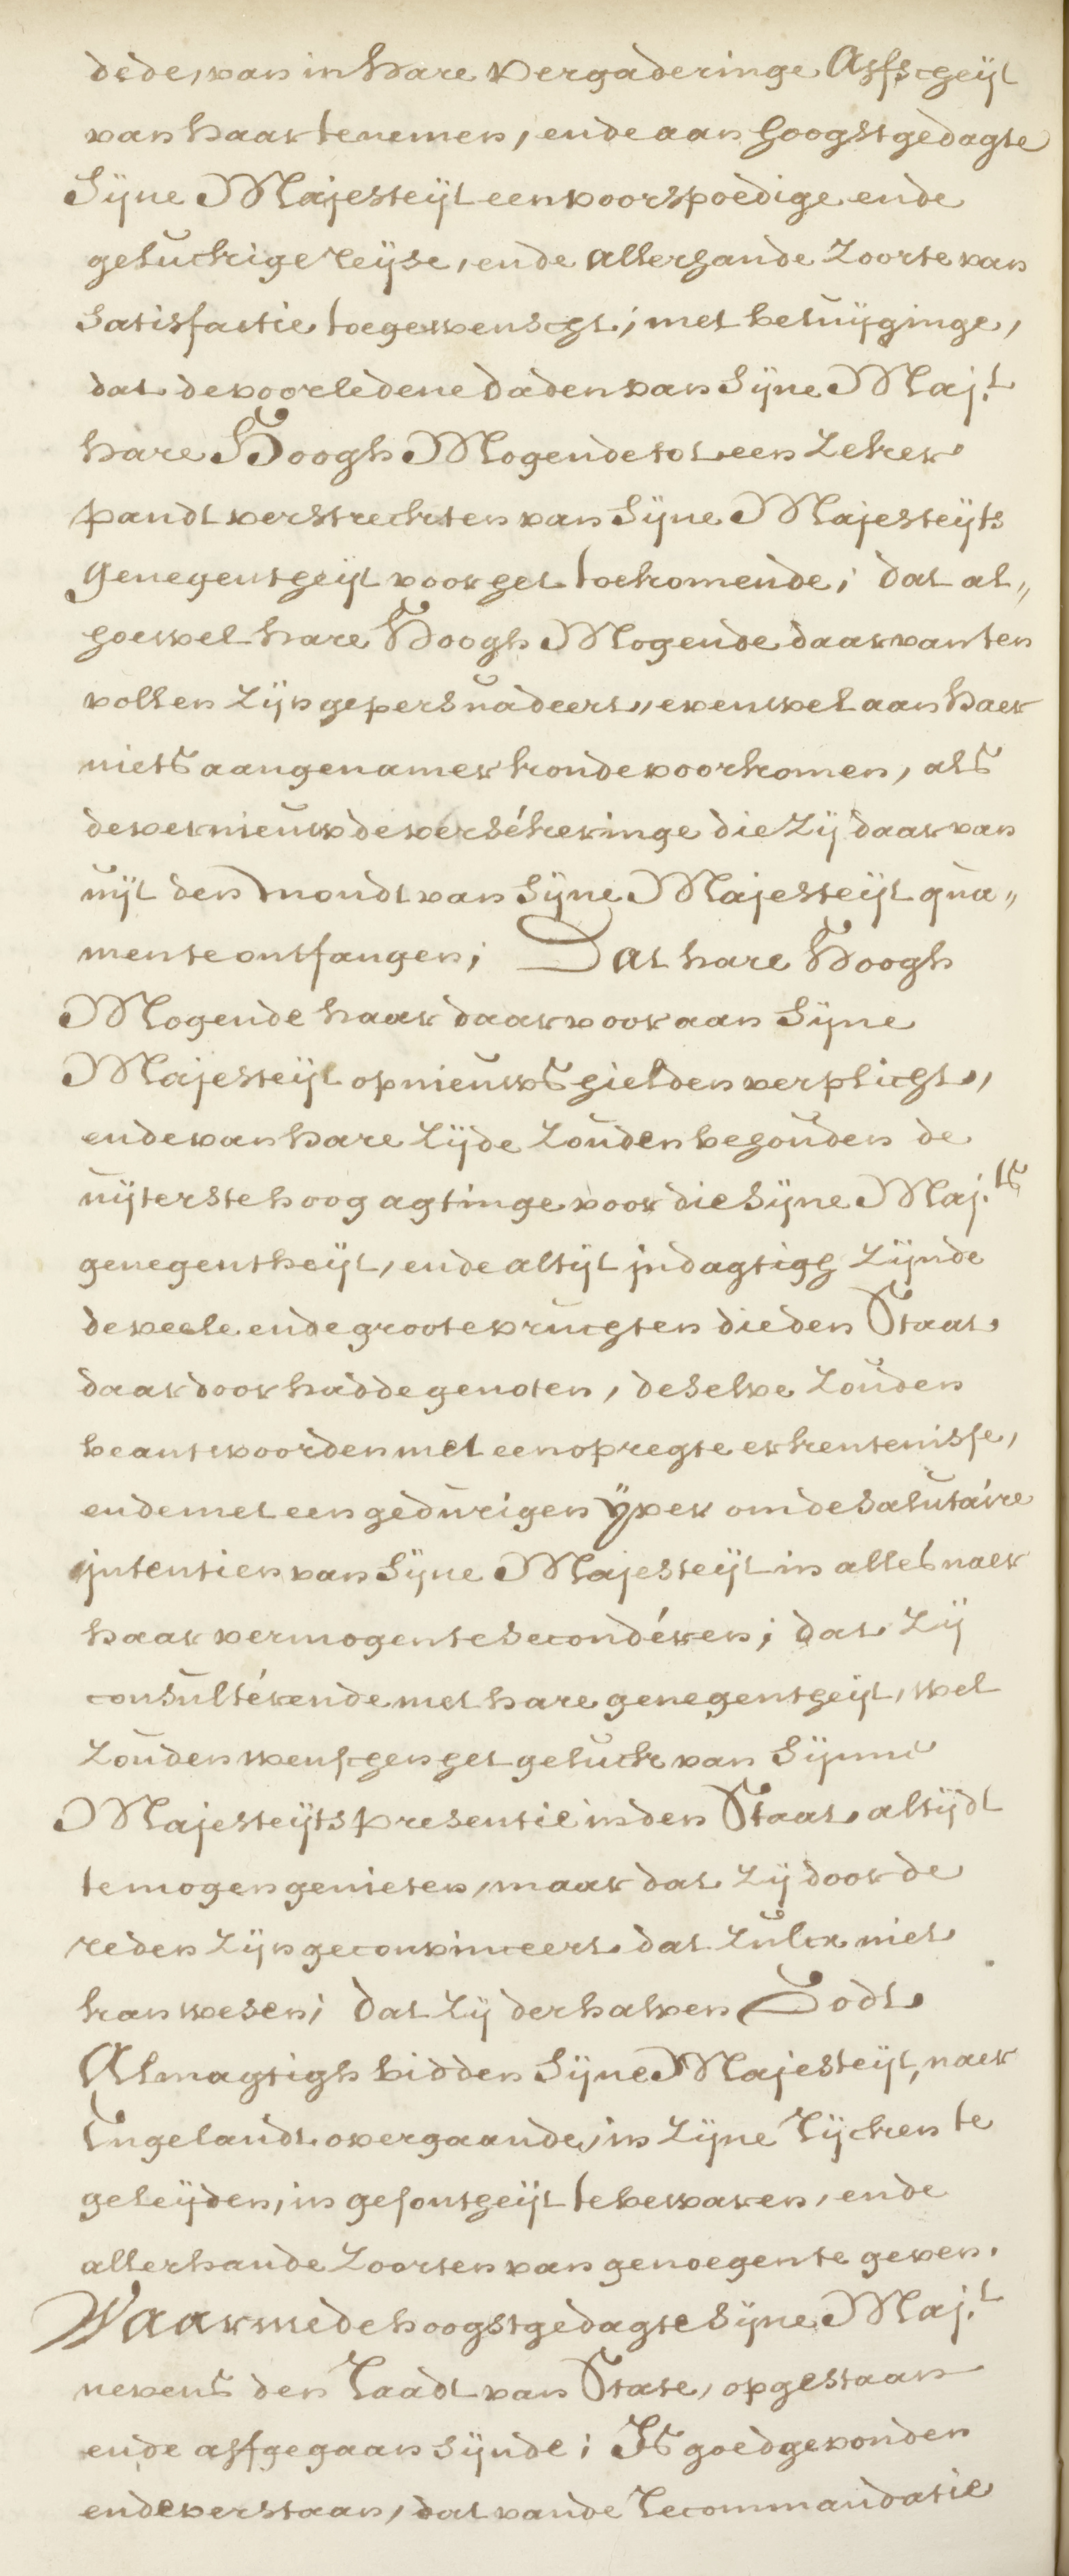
dede van in hare vergaderinge affscheijt
van haar te nemen, ende aan hoogstgedagte
Sijne Majesteijt een voorspoedige ende
geluckige reijse ende allerhande zoorte van
satisfactie toegewenscht; met betuijginge
dat de voorledene daden van Sijne Majt
hare Hoogh Mogende tot een zeker
pandt verstreckten van Sijne Majesteijts
genegenthijt voor het toekomende; dat al„
hoewel hare Hoogh Mogende daervan ten
vollen zijn gepersuadeert, evenwel aan haer
niets aangenamer konde voorkomen, als
de vernieuwde versekeringe die zij daarvan
uijt den mondt van Sijne Majesteijt qua„
men te ontfangen; Dat hare Hoogh
Mogende haar daarvoor aan Sijne
Majesteijt opnieuws hielden verplicht
ende van hare zijde zouden behouden de
uijterste hoogagtinge voor die Sijne Majt
genegenheijt, ende altijt indagtigh zijnde
de veele ende groote vruchten die den Staat
daar door hadde genoten, deselve zouden
beantwoorden met een opregte erkentenisse
ende met een gedurigen ijver om de salutaire
intentien van Sijne Majesteijt in alles naer
haar vermogen te seconderen; dat zij
consulterende met hare genegentheijt, wel
zouden wenschen het geluck van Sijne
Majesteijts presentie in den Staat altijdt
te mogen genieten, maar dat zij door de
reden zijn geconvinceert dat zulcx niet
kan wesen; dat zij derhalven Godt
Almagtigh bidden Sijne Majesteijt, naer
Engelandt overgaande, in zijne rijcken te
geleijden, in gesontheijt te bewaren, ende
allerhande zoorten van genoegen te geven.
Waarmede de hoogstgedagte Sijne Majt
nevens den Raadt van State, opgestaan
ende affgegaan sijnde: Is goedgevonden
ende verstaan, dat vande recommandatie
